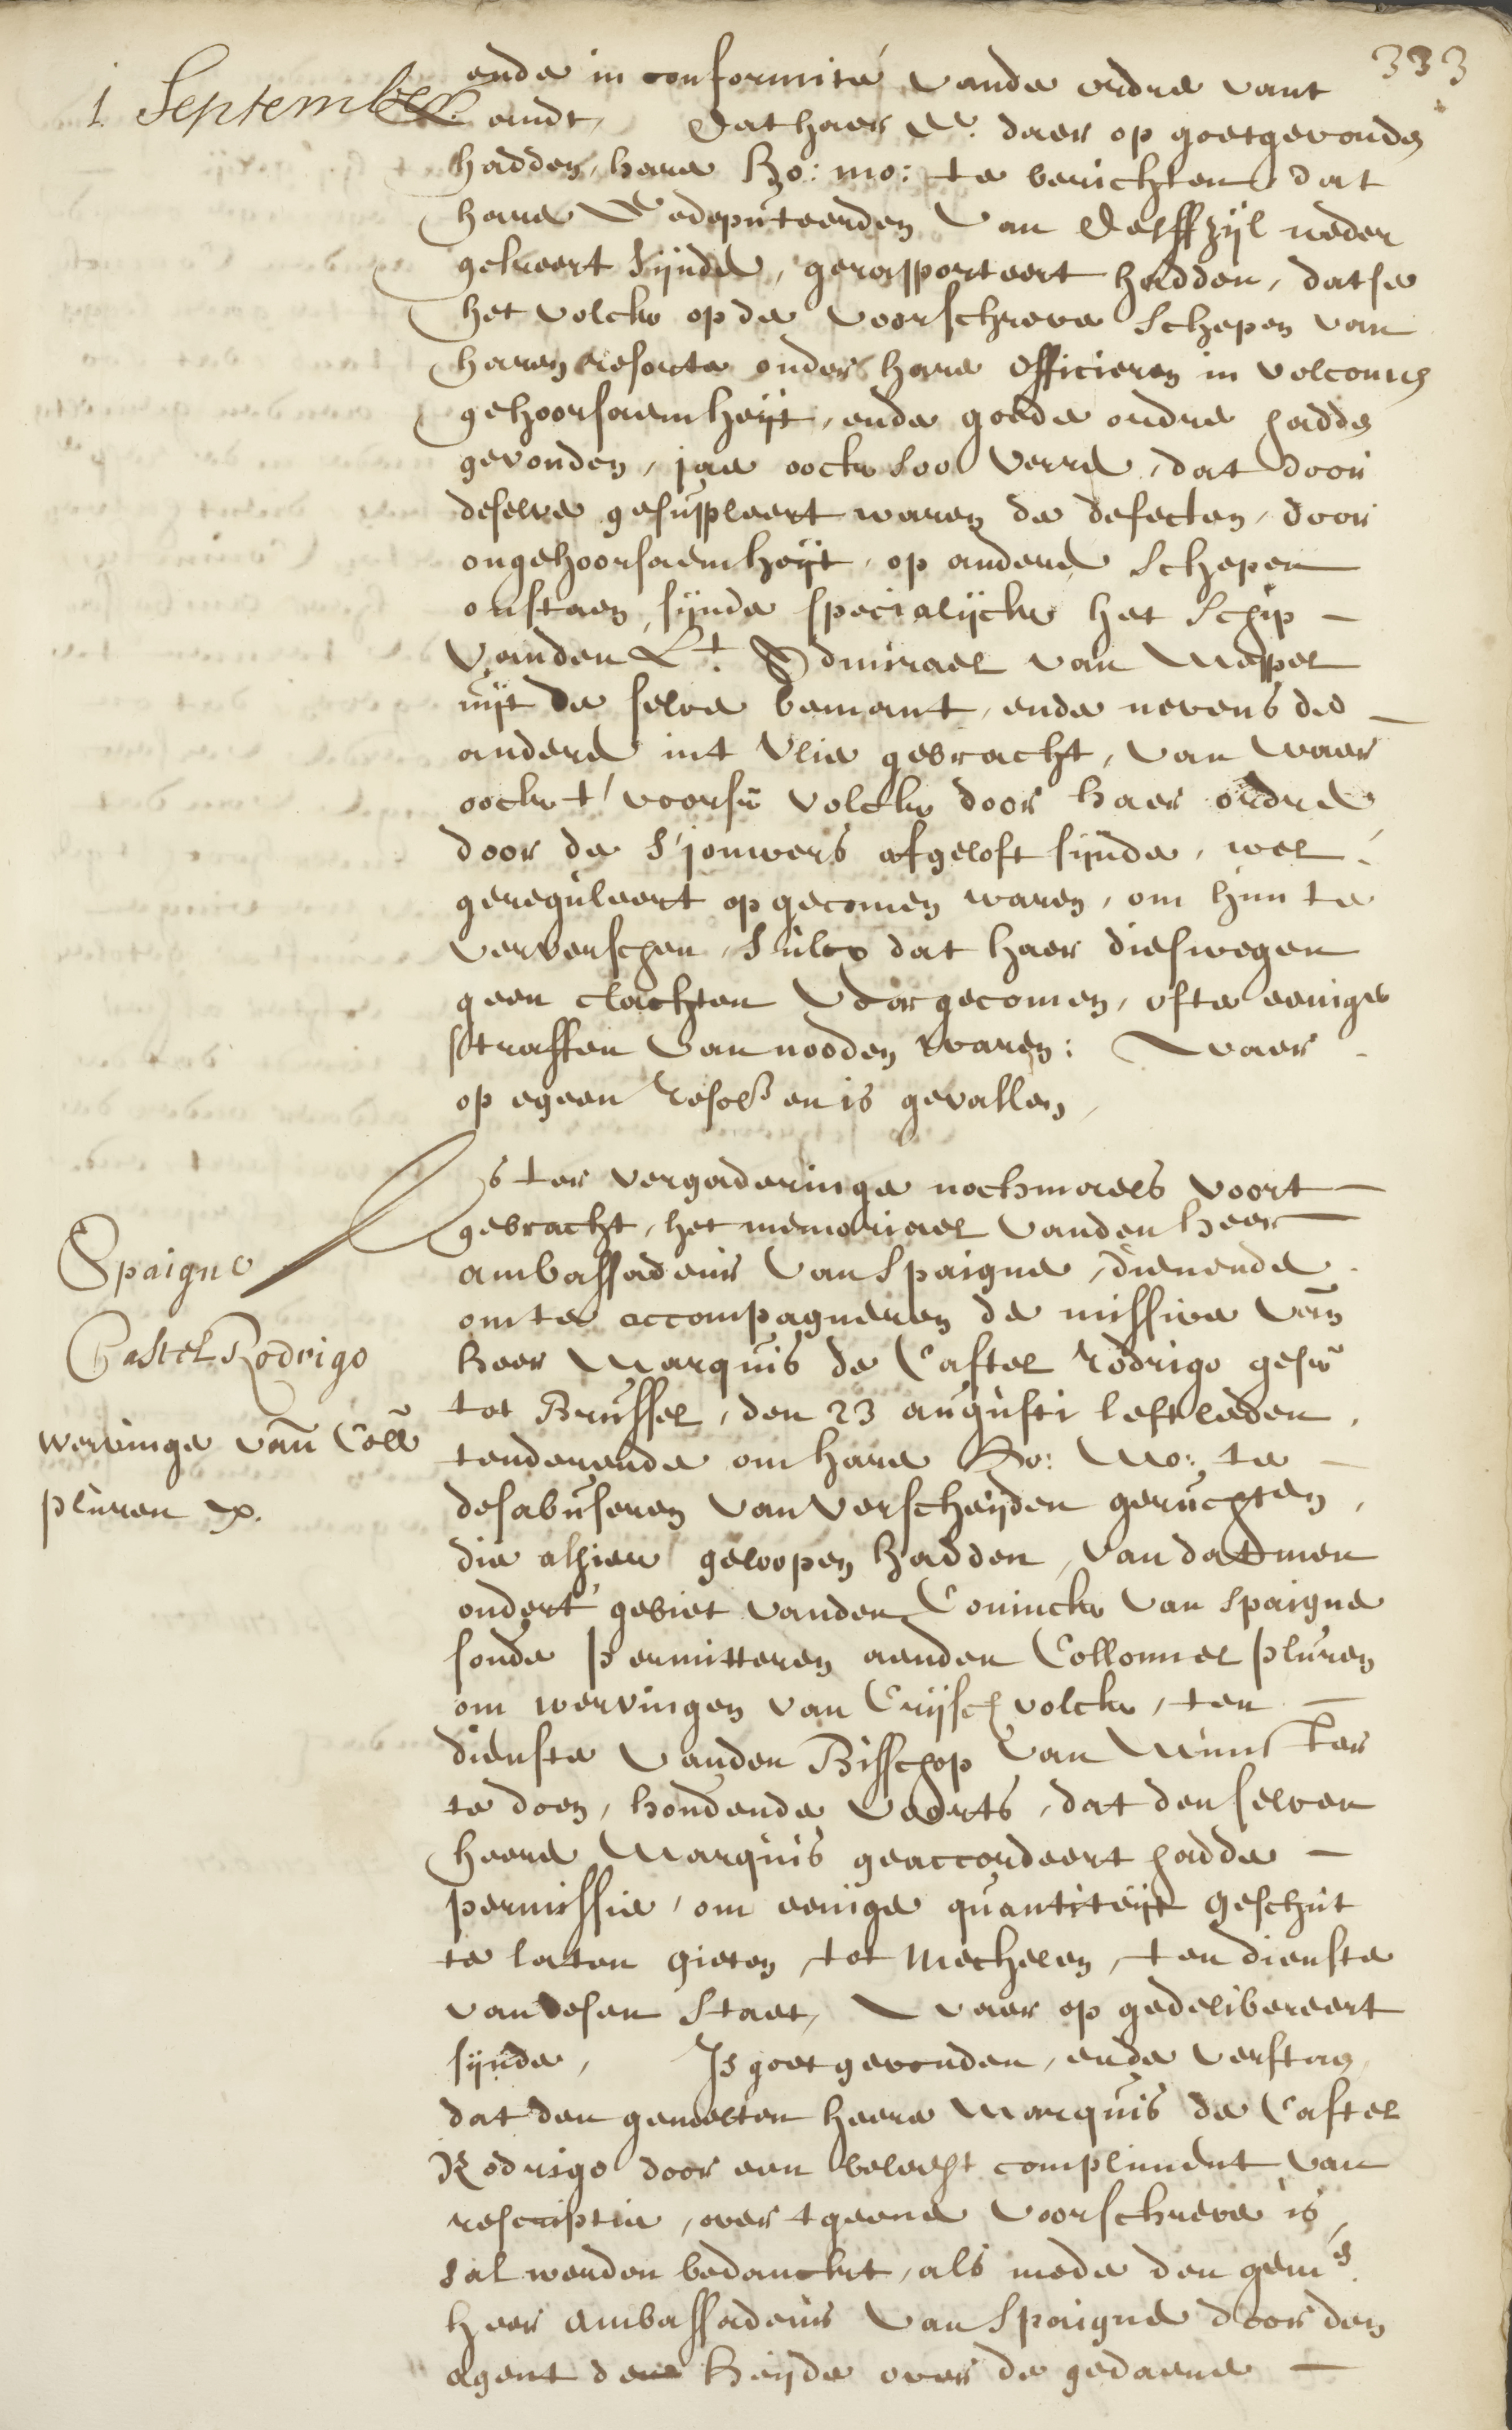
333
1. September
ende in conformité vande ordre vant
Landt. Dat haer E. daer op goetgevonden
hadden, hare Ho: Mo: te berichten dat
hare Gedeputeerden van Delffzijl weder
gekeert sijnde, gerapporteert hadden, datse
het volck op de voorschreve schepen van
haren resorte onder hare officieren in volcomen
gehoorsaemheijt, ende goede ordre hadden
gevonden, jae oock soo verre, dat door
deselve gesuppleert waren de defecten, door
ongehoorsaemheijt, op andere schepen
onstaen, sijnde specialijck het schip -
vanden Lt. Admirael van Meppel
uijt de selve bemant, ende nevens de
andere int Vlie gebracht, van waer
oock t' voorsr volck door haer ordre
door de s'jouwers afgelost sijnde, wel
gereguleert op gecomen waren, om hun te
ververschen, sulcx dat haer dieswegen
geen clachten voorgecomen, ofte eenige
straffen van nooden waren: Waer
op egeen Resol en is gevallen.
Spaigne
Castel Rodrigo
wervinge van Coll
pluren x.
Is ter vergaderinge nochmaels voort-
gebracht, het memoriael vanden Heer
ambassadeur van Spaigne, dienende
om te accompagneren de missive van
heer Marquis de Castel Rodrigo gesr
tot Brussel, den 23 augusti lestleden
tenderende om hare Ho:Mo: te
desabuseren van verscheijden geruchten
die alhier geloopen hadden, van dat men
ondert' gebiet vanden Coninck van Spaigne
soude permitteren aenden Collonnel pluren
om wervingen van Crijschvolck, ten
dienste vanden Bisschop van Munster
te doen, houdende voorts, dat den selven
heere Marquis geaccordeert hadde —
permissie, om eenige quantiteijt geschut
te laten gieten, tot Mechelen, ten dienste
van desen Staet. Waer op gedelibereert
sijnde, Is goetgevonden, ende verstaen
dat den gemelten heere Marquis de Castel
Rodrigo door een beleeft compliment van
rescriptie, over tgeene voorschreve is
sal werden bedanckt, als mede den gemen.
heer Ambassadeur van Spaigne door den
agent den Heijde over de gedaene
